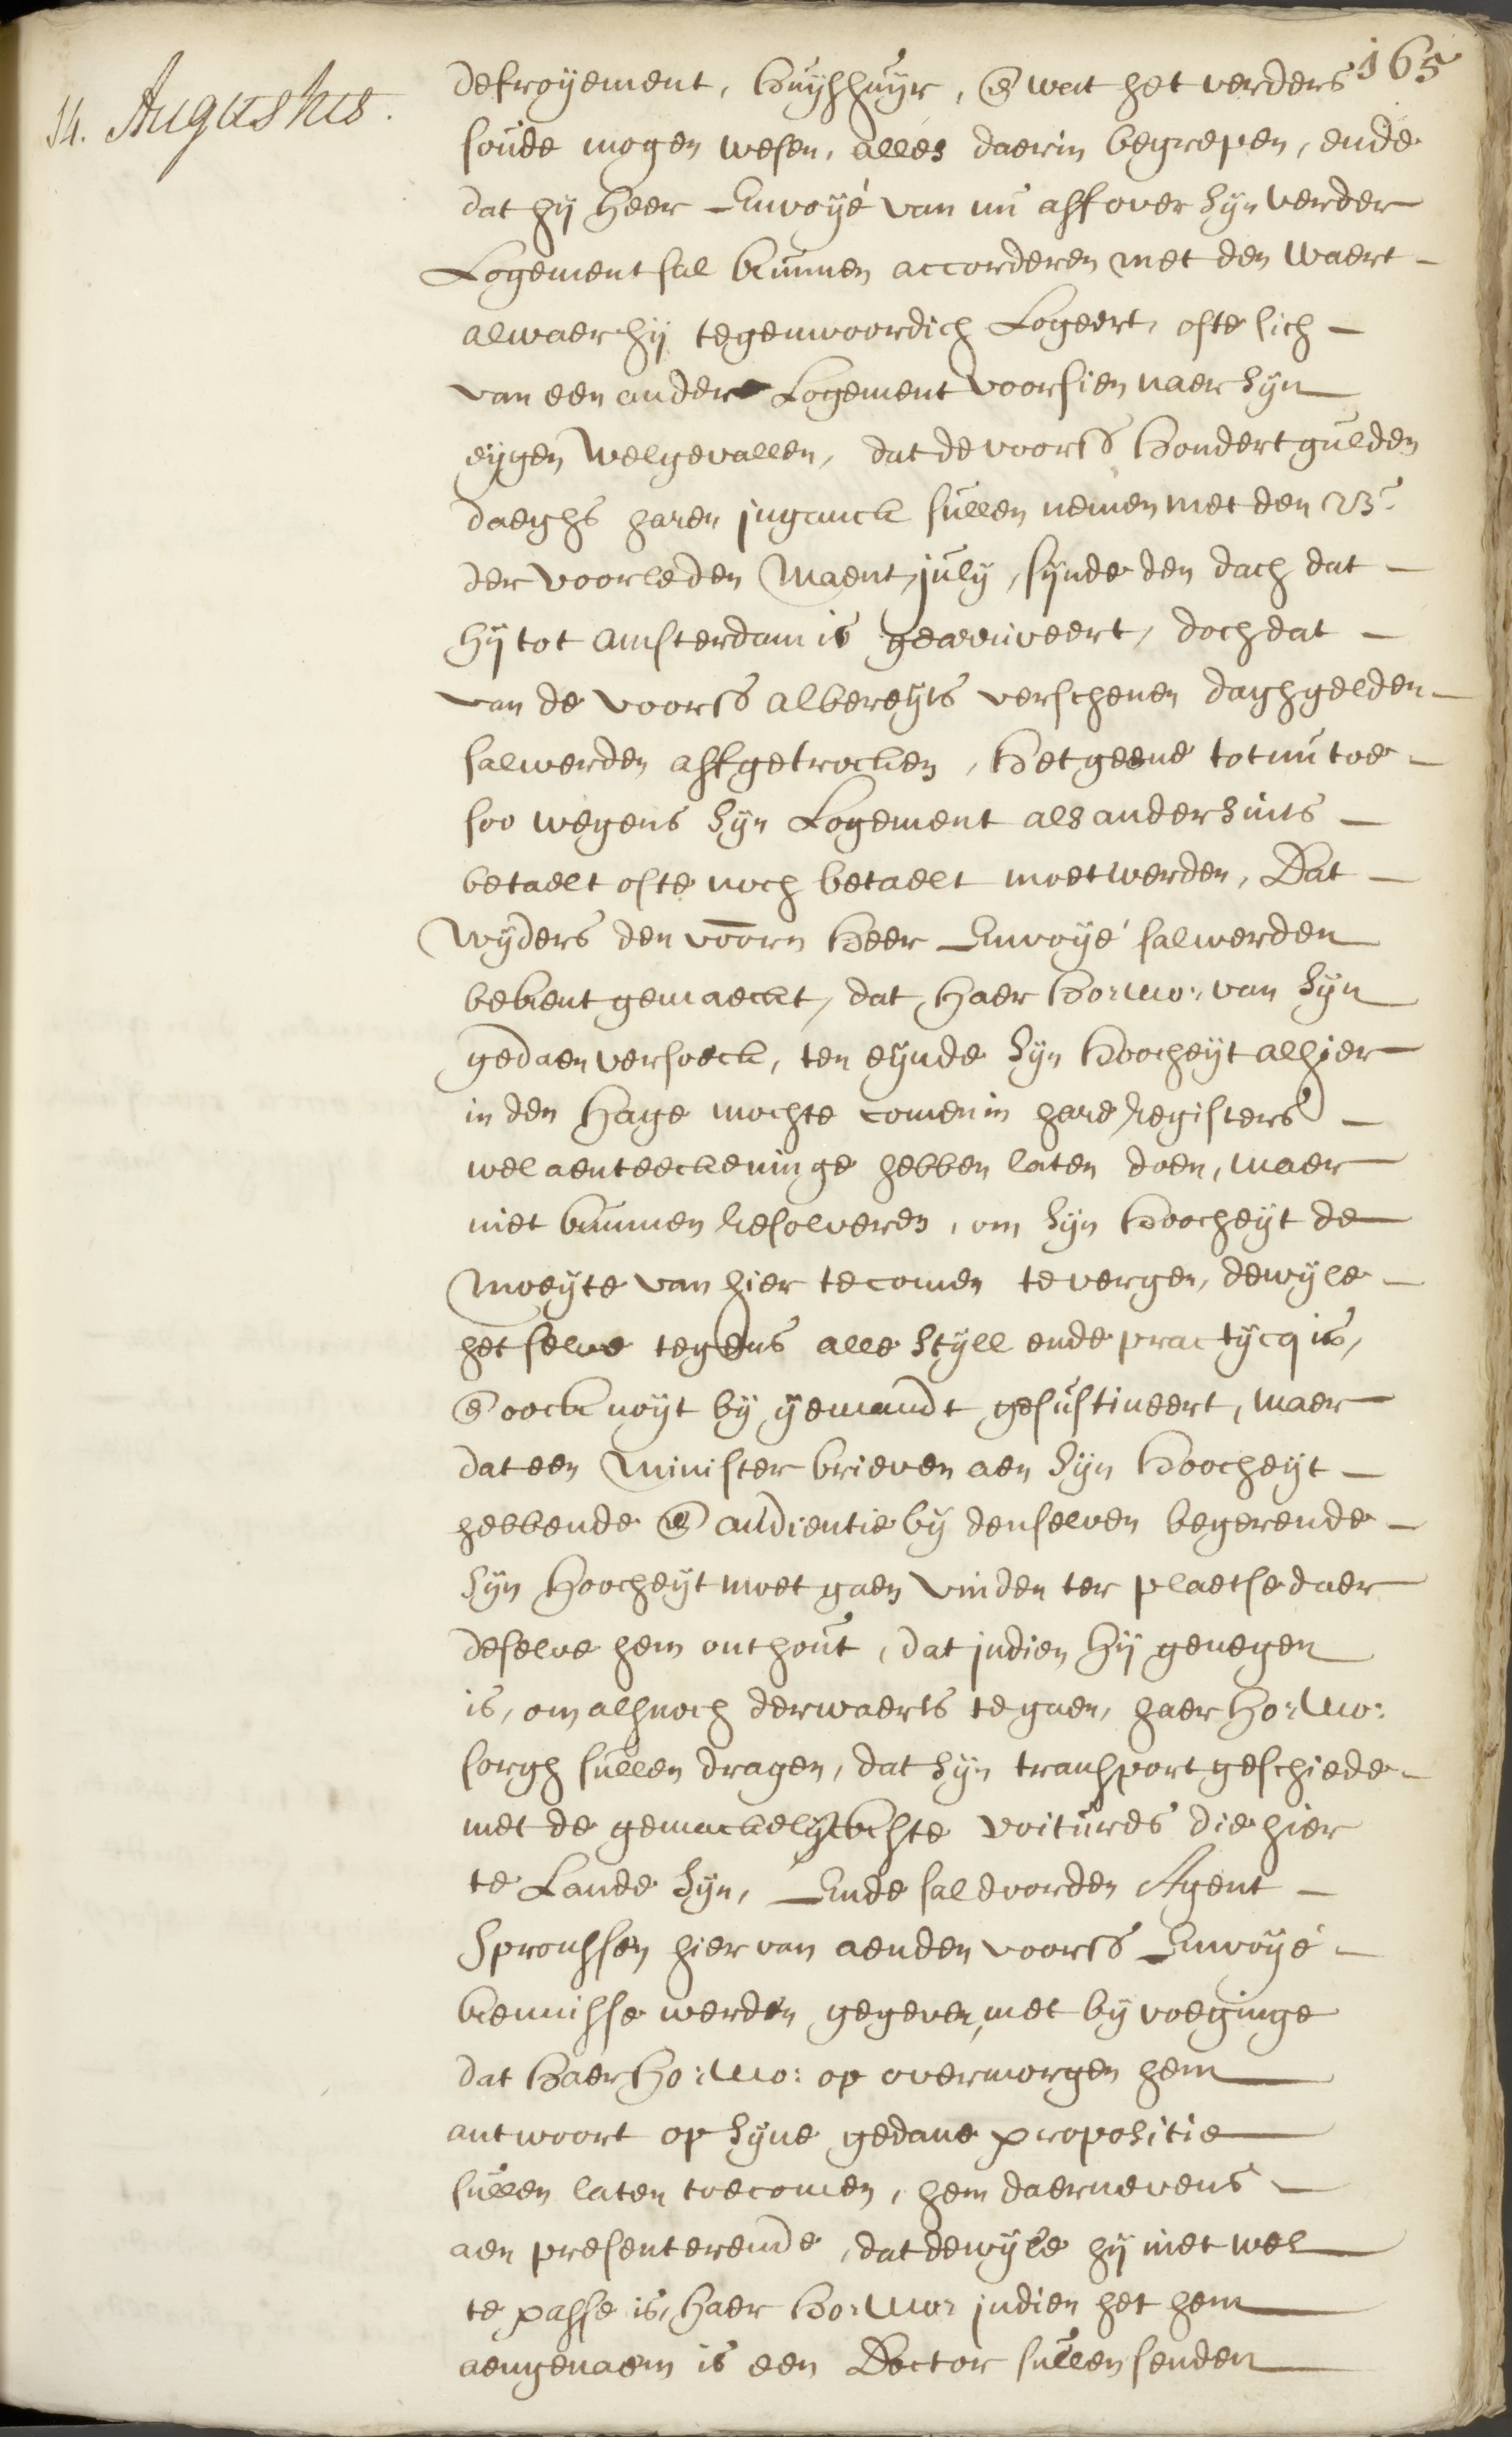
165
14. Augustus.
defroijement, huijshuijr, & wat het verders
soude mogen wesen, alles daerin begrepen, ende
dat hij heer Envoijé van nu affover sijn verder
Logement sal kunnen accorderen met den waert
alwaer hij tegenwoordich Logeert, ofte sich
van een ander Logement voorsien naer sijn
eijgen welgevallen, dat de voors hondert gulden
daeghs haren inganck sullen nemen met den 23e.
der voorleden maent, Julij, sijnde den dach dat
hij tot Amsterdam is gearriveert, doch dat
van de voors alberejts verschenen daghgelden
sal werden affgetrocken, het geene tot nu toe
soo wegens sijn Logement als andersints
betaelt ofte noch betaelt moet werden. Dat
wijders den voorn heer Envoijé sal werden
bekent gemaeckt, dat haer ho:mo: van sijn
gedaen versoeck, ten eijnde sijn hoocheijt alhier
in den hage mochte comen in hare registers
wel aenteeckeninge hebben laten doen, maer
niet kunnen resolveren, om sijn hoocheijt de
moeijte van hier te comen te vergen, dewijle
het selve tegens alle stijll ende practijcq is,
& oock noijt bij ijemandt gesustineert, maer
dat een minister brieven aen sijn hoocheijt
hebbende & audientie bij denselven begerende
sijn hoocheijt moet gaen vinden ter plaetse daer
deselve hem onthout, dat indien hij genegen
is, om alsnoch derwaerts te gaen, haer ho:mo:
sorgh sullen dragen, dat sijn transport geschiede
met de gemackelijckste voitures die hier
te Lande sijn. Ende sal doorden Agent
Spronssen hier van aenden voors Envoijé
kennisse werden gegeven met bij voeginge
dat haer ho:mo: op overmorgen hem
antwoort op sijne gedane propositie
sullen laten toecomen, hem daernevens
aen presenterende, dat dewijle hij niet wel
te passe is, haer ho:mo: indien het hem
aengenaem is een Doctor sullen senden
